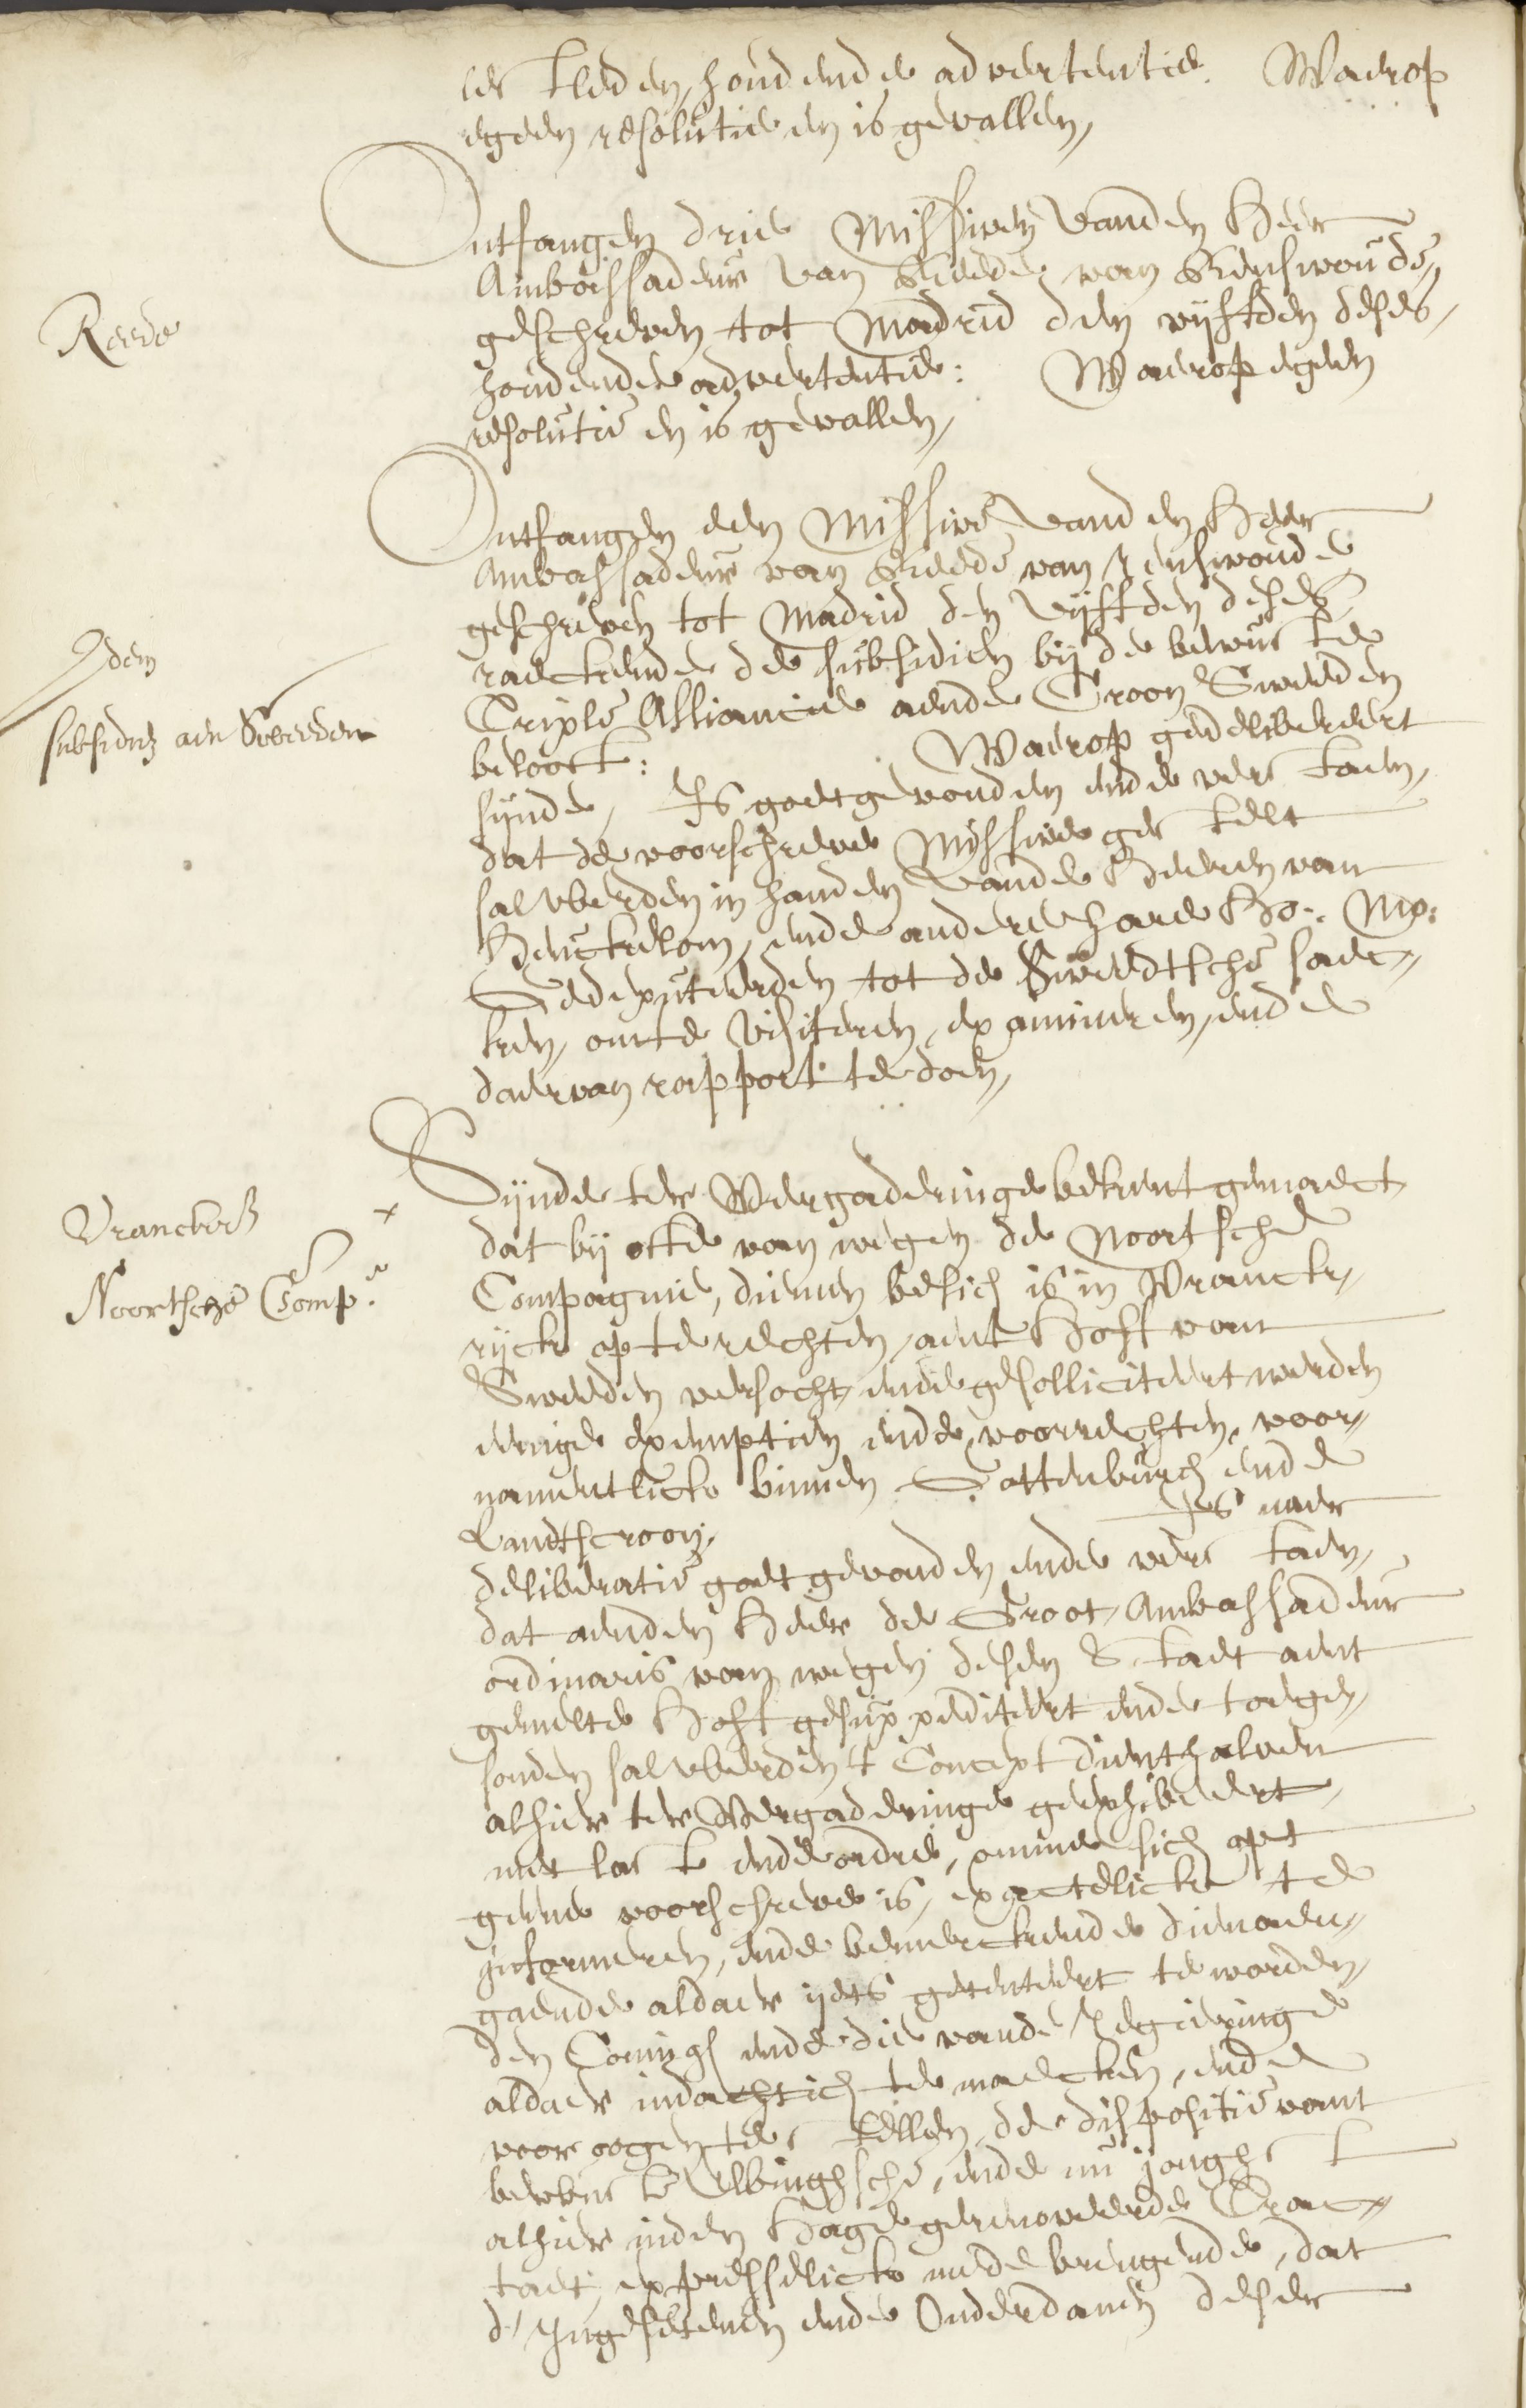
lestleden, houdende advertentie. Waerop
egeen resolutie en is gevallen.
Reede
Ontfangen drie missiven vanden Heer
Ambassadeur van Reede van Renswoude,
geschreven tot Madrid den vijffden deses,
houdende advertentie: Waerop egeen
resolutie en is gevallen.
Idem
subsidien aen Sweeden
Ontfangen een missive vanden Heer
ambassadeur van Reede van renswoude
geschreven tot Madrid den vijffden deses
raeckende de subsidien bij de bewuste
Triple Alliancie aende Croon Sweeden
belooft: Waerop gedelibereert
sijnde, Is goetgevonden ende verstaen,
dat de voorschreve missive gestelt
sal werden in handen vande Heeren van
Heuckelom, ende andere hare Ho:Mo:
Gedeputeerden tot de Sweedtsche saec„
ken, om te visiteren examineren, ende
daervan rapport te doen.
Vranckr
Noortsche Compe.
Sijnde ter Vergaderinge bekent gemaect,
dat bij ofte van wegen de Noortsche
Compagnie, diennen besich is in Vranck,
rijck opte rechten, aent Hoff van
Sweeden versocht, ende gesolliciteert werden
eenige exemptien ende voorrechten, voor,,
namentlick binnen Gottenburch ende
Landtscroon. Is naer
deliberatie goetgevonden ende verstaen,
dat aenden Heer de Groot, ambassadeur
ordinaris van wegen desen Staet aent
gemelte Hoff gesuppediteert ende toege„
sonden sal werden 't Concept dienthalven
alhier ter Vergaderinge geexhibeert
met last ende ordre, omme sich opt
geene voorschreve is, exactelick te
informeren, ende bemerckende dienaen„
gaende aldaer ijets getenteert te worden,
den Coningh ende die vande regieringe
aldaer indachtich te maecken, ende
voor oogen te stellen de dispositie vant
bewuste Elbinghsche, ende nu jonghst
alhier inden Hage gerenoveerde Trac,,
taet, expresselick mede brengende, dat
d‛Ingesetenen ende Onderdanen deser
